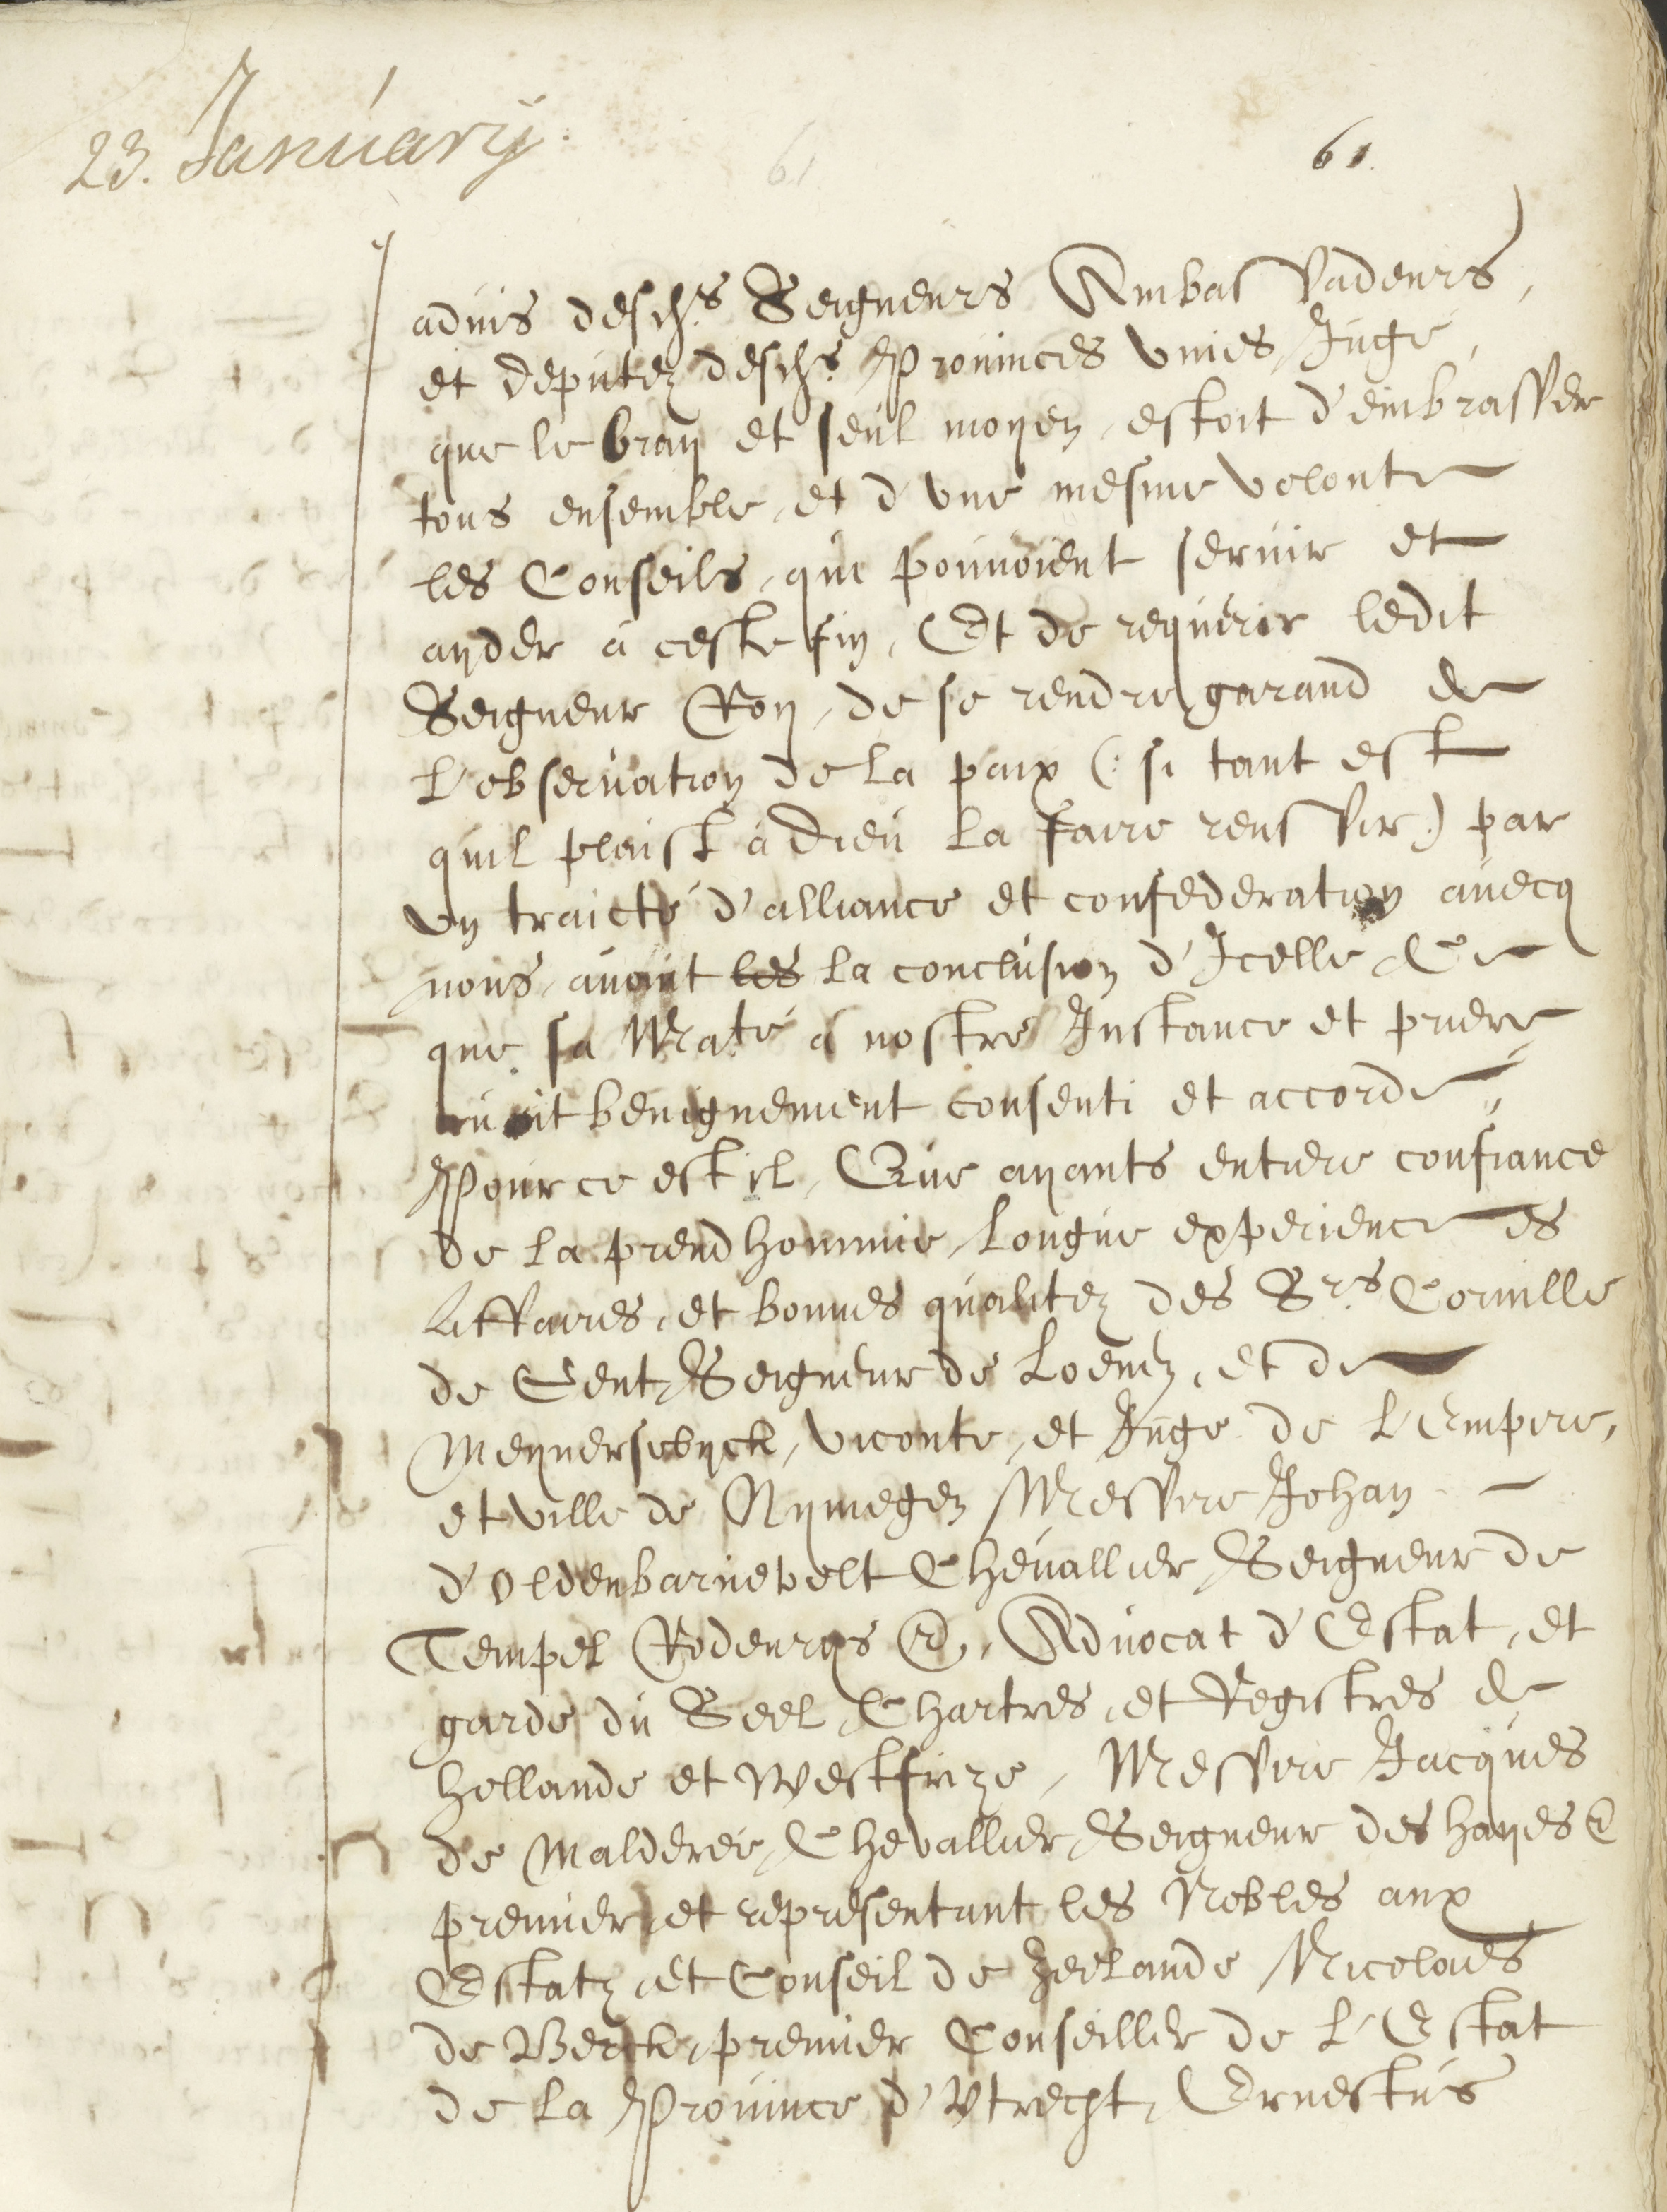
23. Januarij.
61
aduis desds. Seigneurs Ambassadeurs,
et deputez desds. Prouinces viues Juge,
que le vray et seul moyen estoit d‛embrasser
tous ensemble, et d‛vne mesme volonte
les Conseils, qui pouuoient seruir et
ayder á ceste fin, Et de requerir ledit
Seigneur Roy, de se rendre garand de
L‛obseruation de la paix (:si tant est
quil plaist a Dieu la faire reussir.) par
un traicté d'alliance et confederation auecq
nous, auant les la conclusion d'Icelle ce
que sa Maté a nostre Instance et priere
xu xit benignement consenti et accordé
Pour ce est il, Que ayants entiere confiance
de la preudhommie, longue experiences
affaires, et bonnes qualitez des Srs. Cornille
de Gent, Seigneur de Loenen, et de
Meynerswyck, viconte, et Juge de l‛Empire,
et ville de Nymegen Messire Johan
d'Oldenbarnevelt Cheuallier, Seigneur de
Tempel Rodenrys @, Aduocat d'Estat, et
garde du Seel Chartres, et Registres de
hollande et Westfrize, Messire Jacques
de Malderér Chevallier Seigneur des hayes @
premier et representant les Nobles aux
Estatz, et Conseil de Zeelande Nicolaes
de Berck premier Conseiller de L‛Estat
de la Prouince d‛ Utrecht, Ernestus
